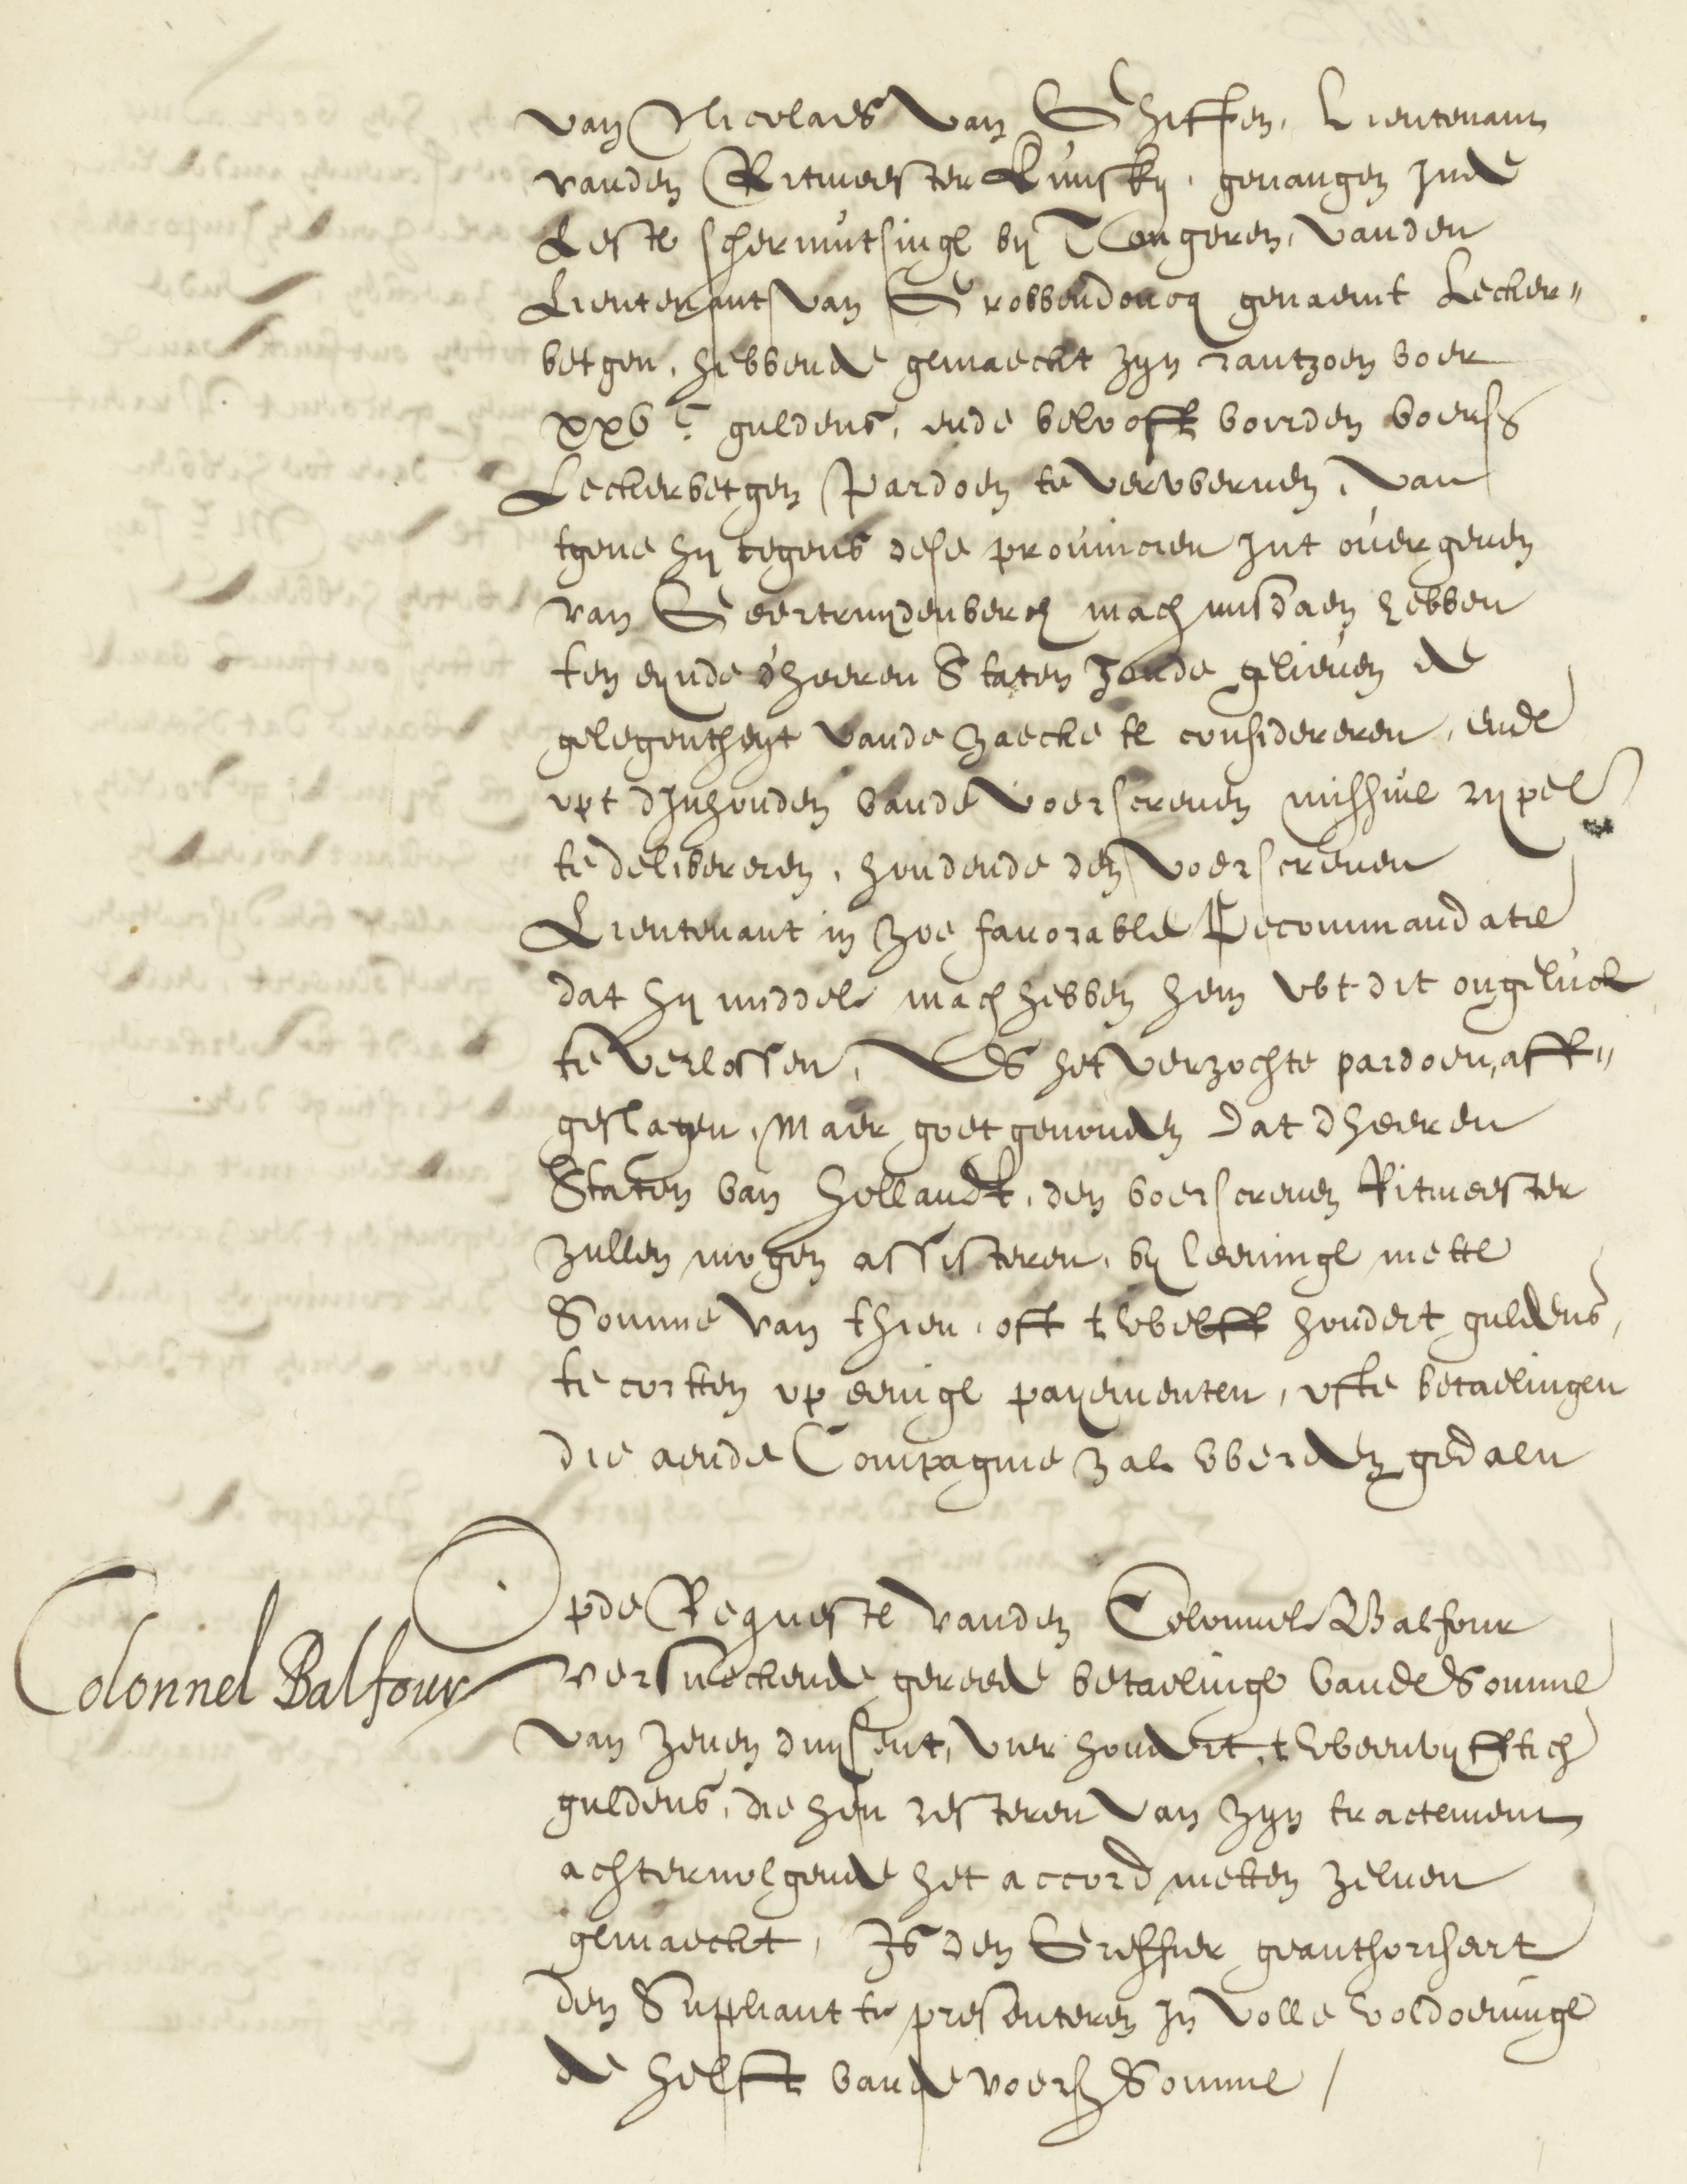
van Nicolaes van Ghiffen, Lieutenant
vanden Ritmeester Kunsky, gevangen Inde
leste schermutsinge bij Tongeren, vanden
Lieutenant van Grobbendoncq, genaemt Lecker„
betgen, hebbende gemaeckt zyn rantzoen voer
XXVC. guldens, ende belooft voirden voers
Leckerbetgen Pardoen te verwerven, van
tgene hy tegens dese prouincien int ouergeven
van Geertruydenberch mach misdaen hebben
ten eynde d‛heeren Staten zoude gelieven de
gelegentheyt vande zaecke te considereren, ende
opt dInhouden vande voerscreven missive rypel
te delibereren, houdende den voerscreven
Lieutenant in zoe favorable Recommandatie
dat hy middel mach hebben hem wt dit ongeluck
te verlossen. Es het verzochte pardoen, aff„
geslagen, maer goetgevonden dat dheeren
Staten van Hollandt, den voerscreven Ritmeester
zullen mogen assisteren, by leeninge mette
Somme van thien, off twelff hondert guldens,
te cortten op eenige payementen, ofte betaelingen
die aende Compagnie zal werden gedaen.
Colonnel Balfour
Opde Requeste vanden Colonnel Balfour
versueckende gereede betaelinge vande Somme
van zeven duysent, vier hondert, tweenvyfftich
guldens, die hen resteren van zijn tractement
achteruolgende het accord metten zelven
gemaeckt. Is den Greffier geauthoriseert
den Suppliant te presenteren In volle voldoeninge
de helft vande voers Somme.
